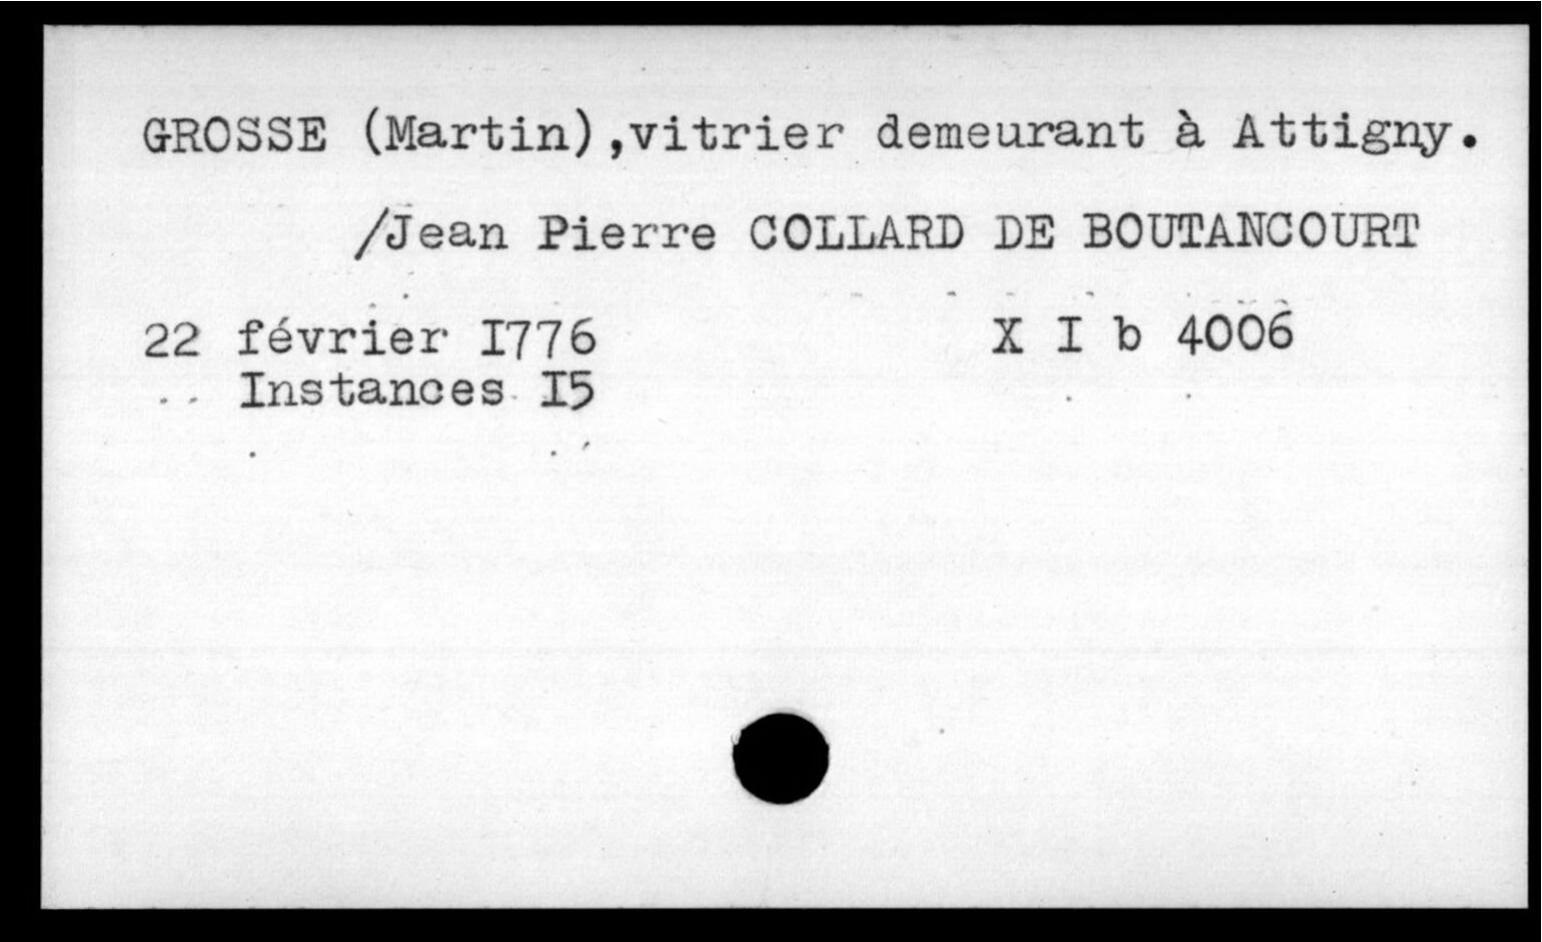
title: GROSSE (Martin), vitrier demeurant à Attigny
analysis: Contre Jean Pierre COLLARD DE BOUTANCOURT
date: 22 février 1776
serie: X1b
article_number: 4006
